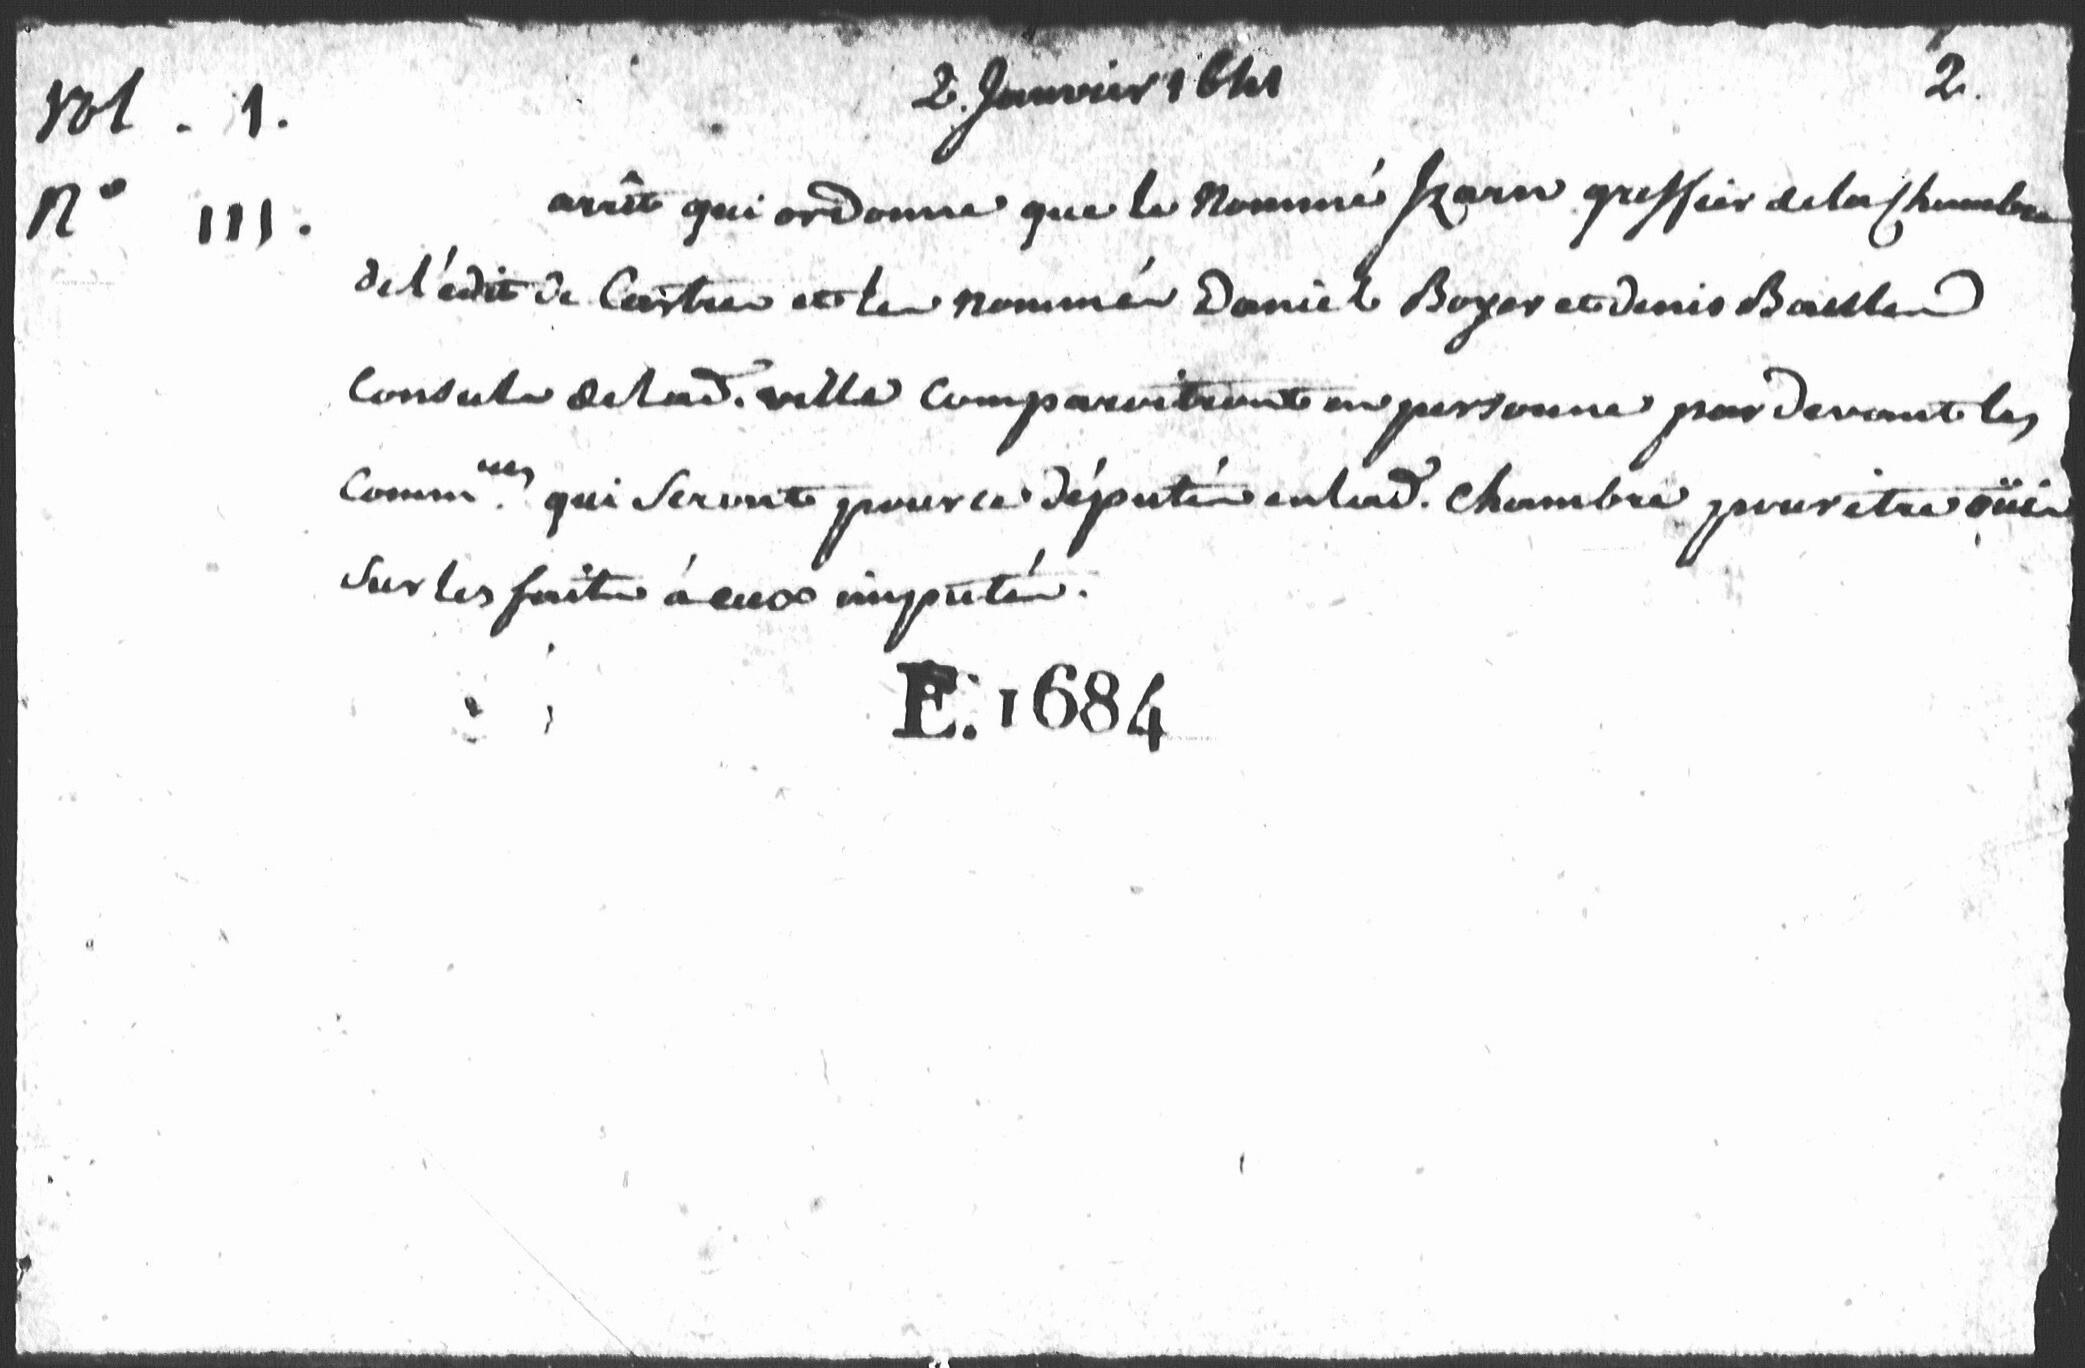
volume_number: n°111
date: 2 janvier 1641
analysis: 2
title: arrêt qui ordonne que le nommé Izarn greffier de la Chambre de l'edit de Castres et les nommés Daniel Boyer et Denis Baules consuls de lad. ville comparoitront en personne par devant les comm.res qui seront pour ce députés en lad. chambre pour etre oüis sur les faits à eux imputés.
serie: E
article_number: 1684
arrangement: vol. 1
